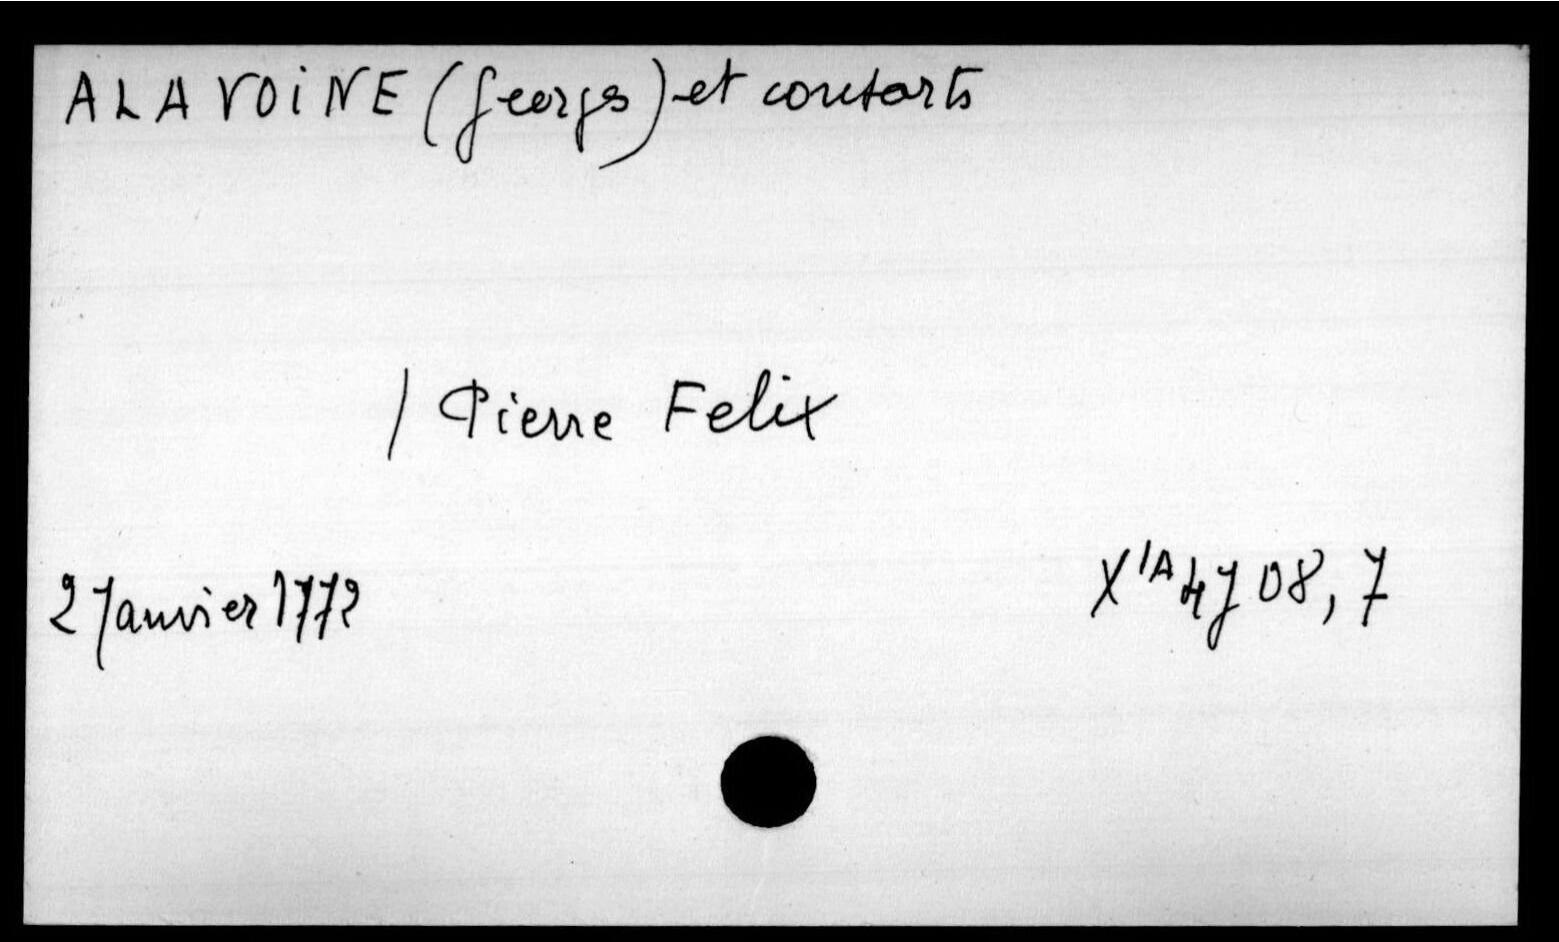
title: ALAVOINE (Georges) et consorts
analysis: Contre Pierre Felix
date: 2 janvier 1772
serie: X1A
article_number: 4708
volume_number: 7
